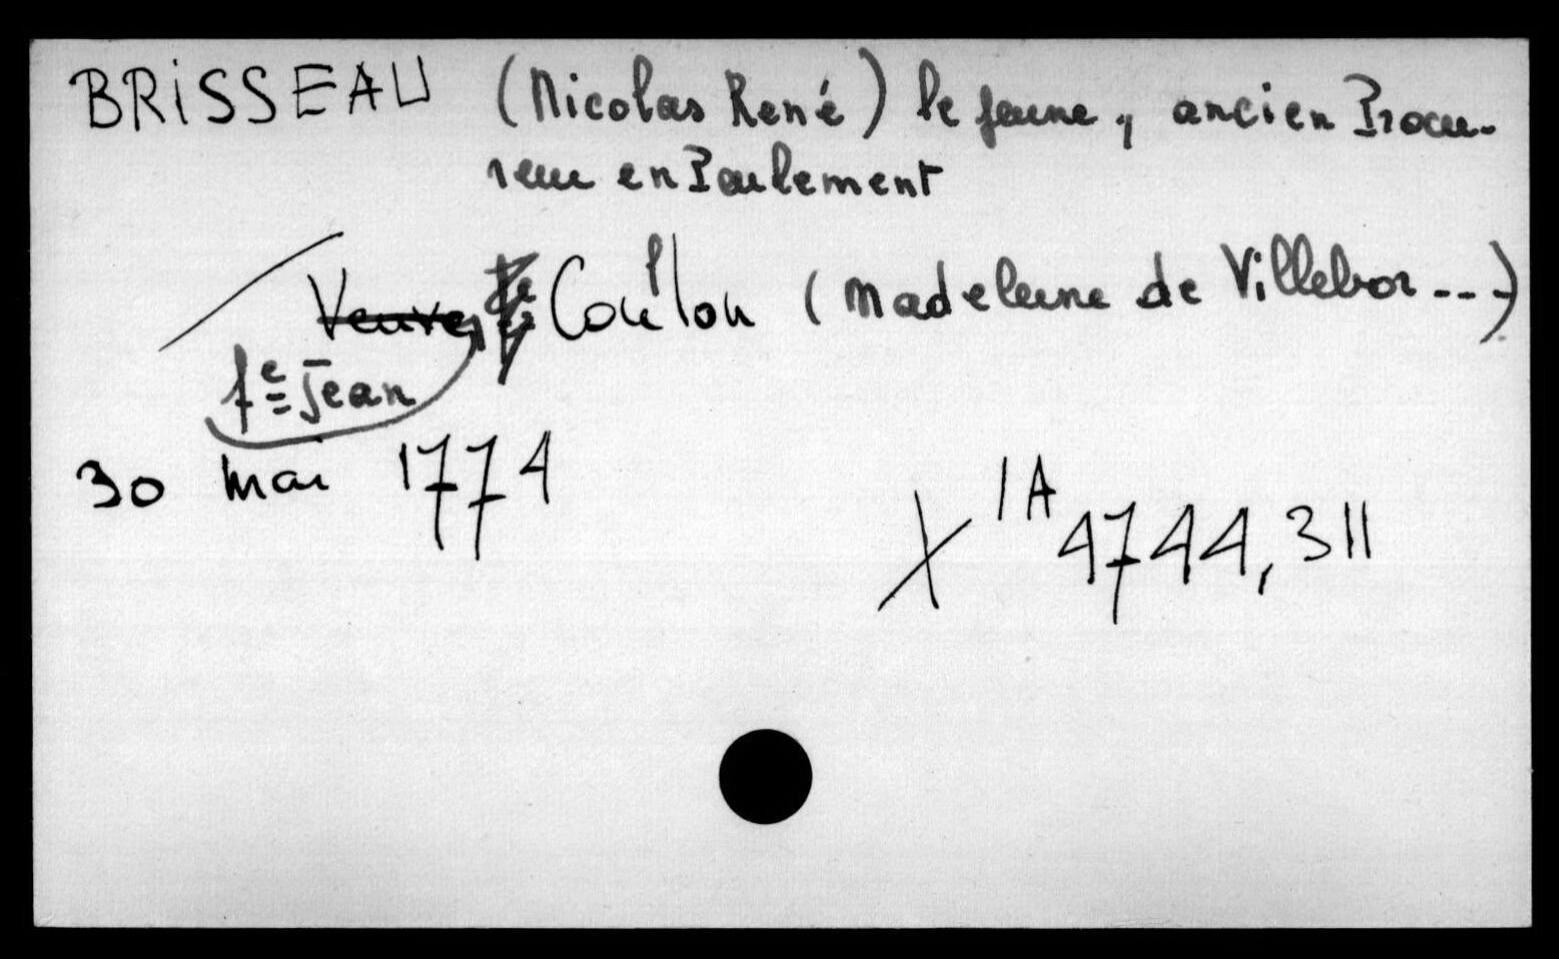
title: BRISSEAU (Nicolas René) le jeune, ancien Procureur en Parlement
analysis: Contre femme Jean Coulon (Madeleine de Villebor)
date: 30 mai 1774
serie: X1A
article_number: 4744
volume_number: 311
